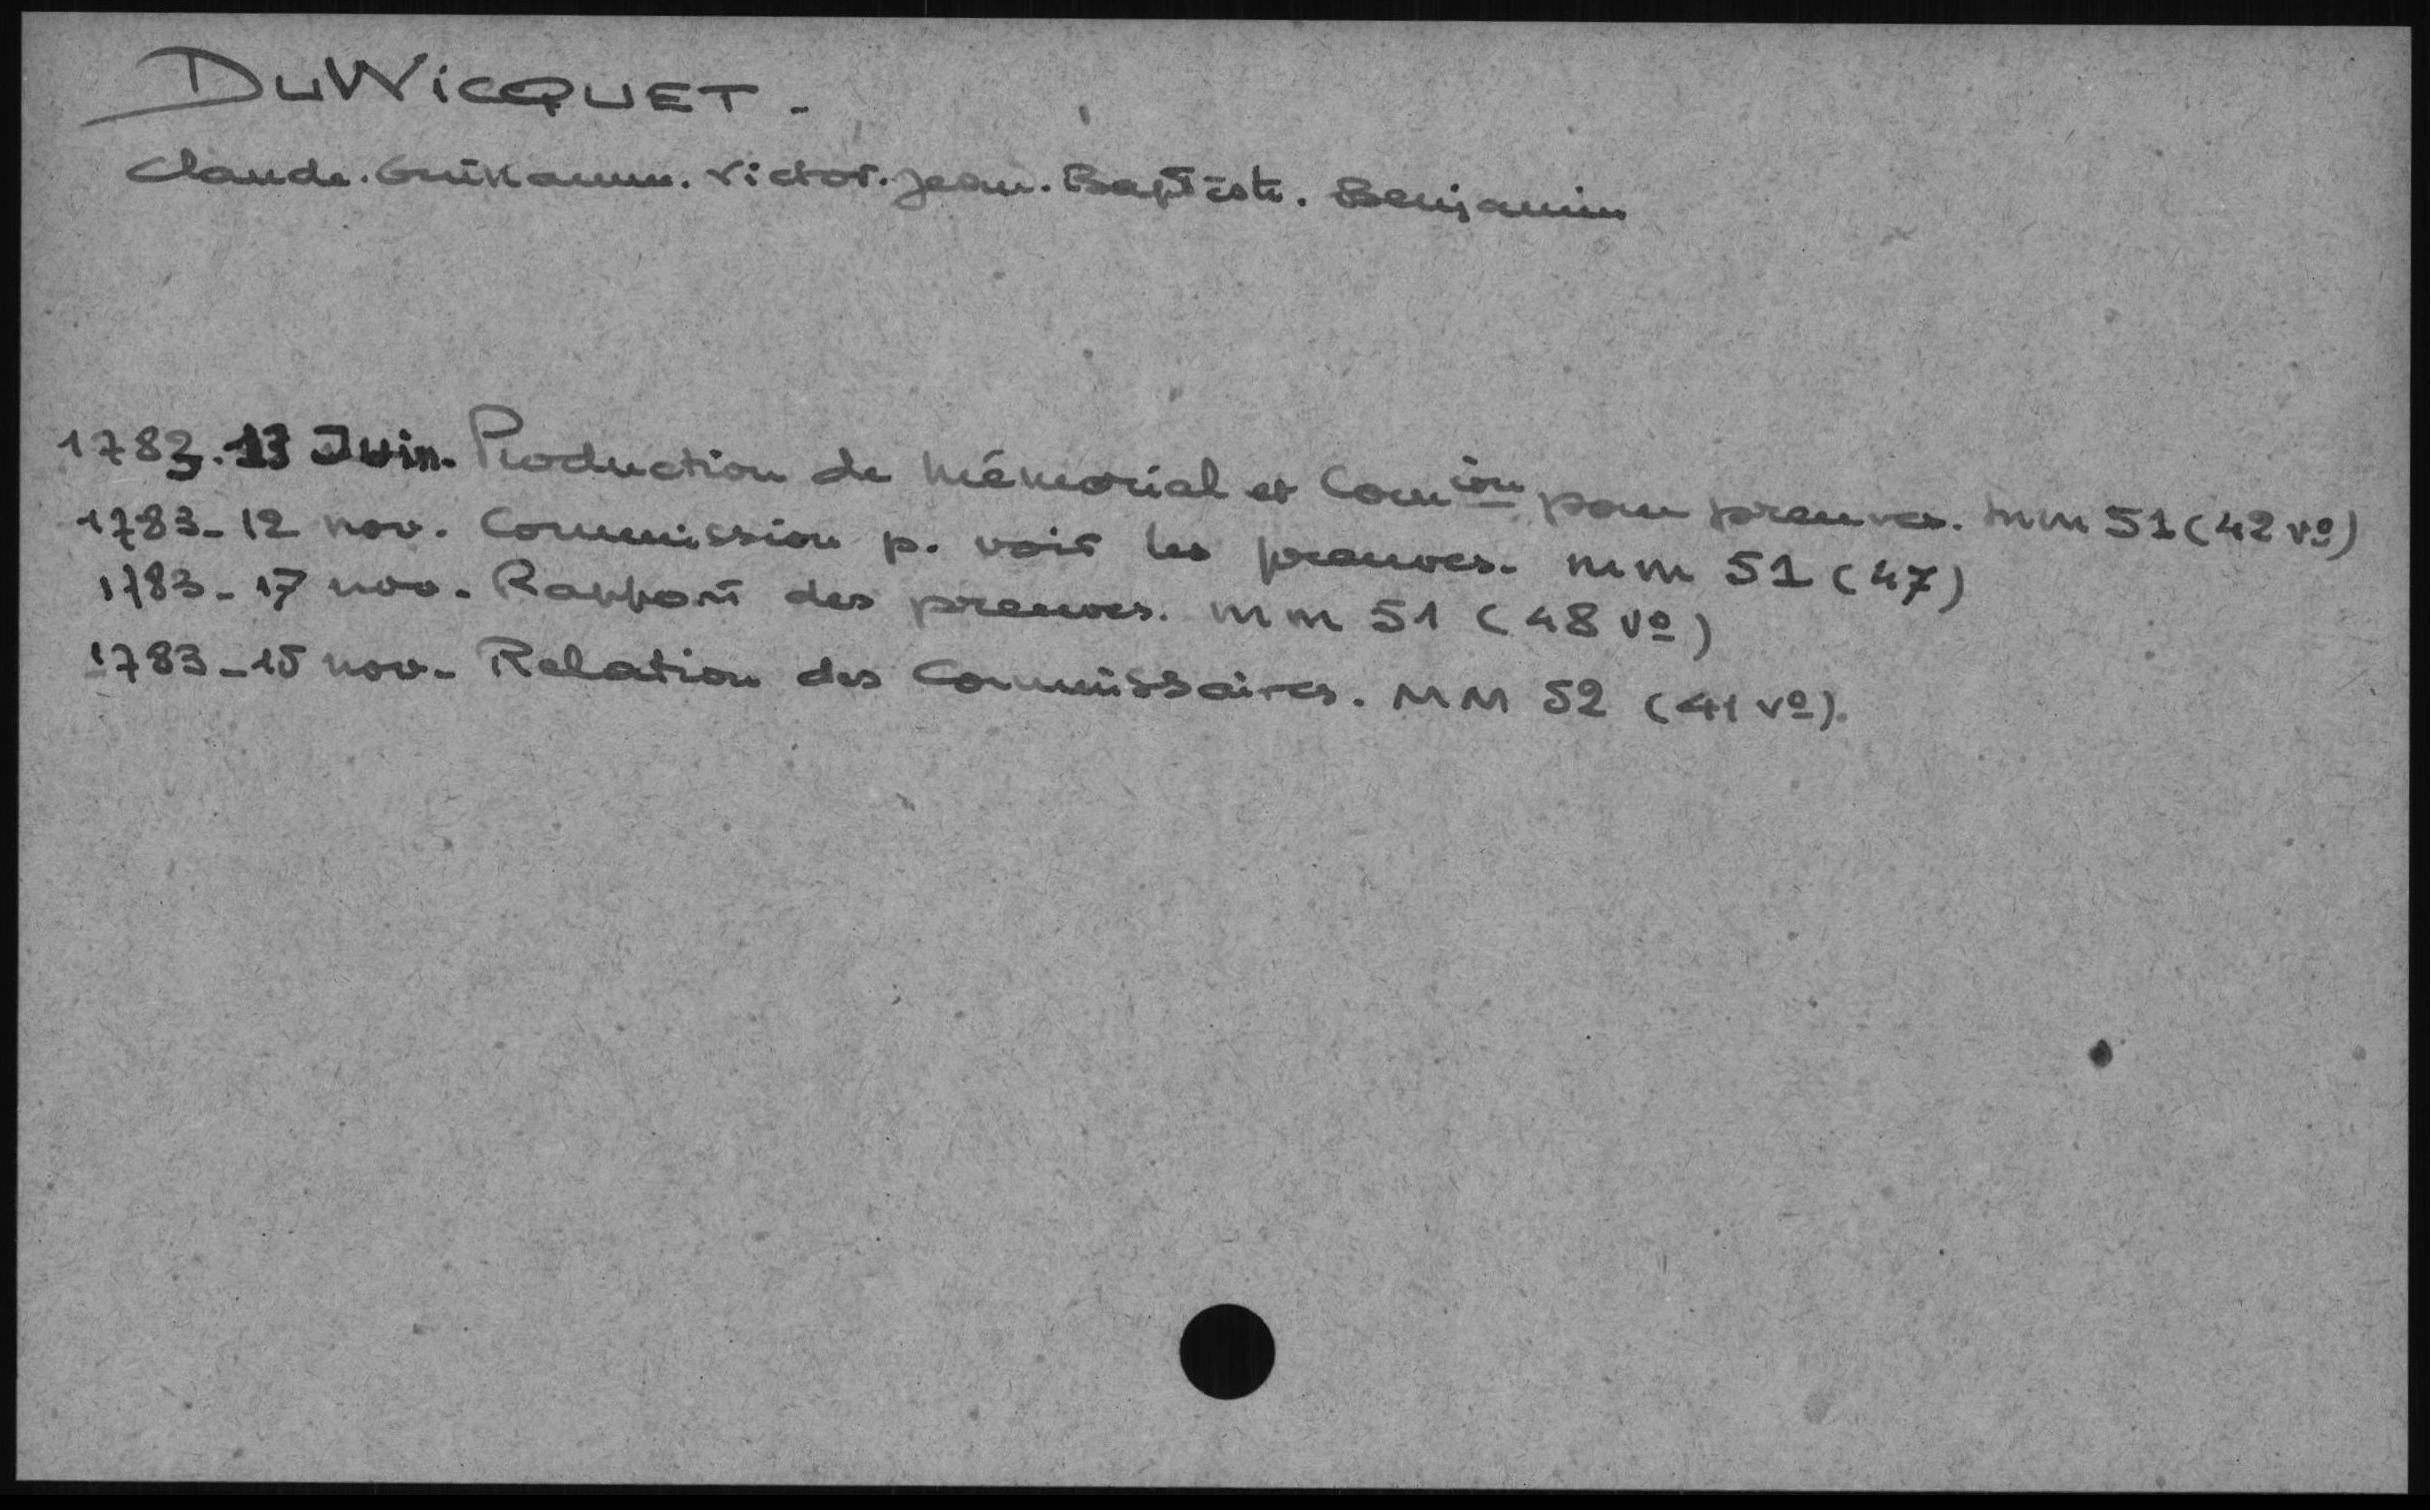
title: DU WIQUET Claude-Guillaume-Victor-Jean-Baptiste-Benjamin
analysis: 1783, 13 juin. Production de mémorial et commission pour preuves. MM 51 (42v) 1783, 12 novembre Commission pour voir les preuves. MM 51 (47) 1783, 17 novembre Rapport des preuves. MM 51 (48v) 1783, 15 novembre Relation des commissaires. MM 52 (41v)
